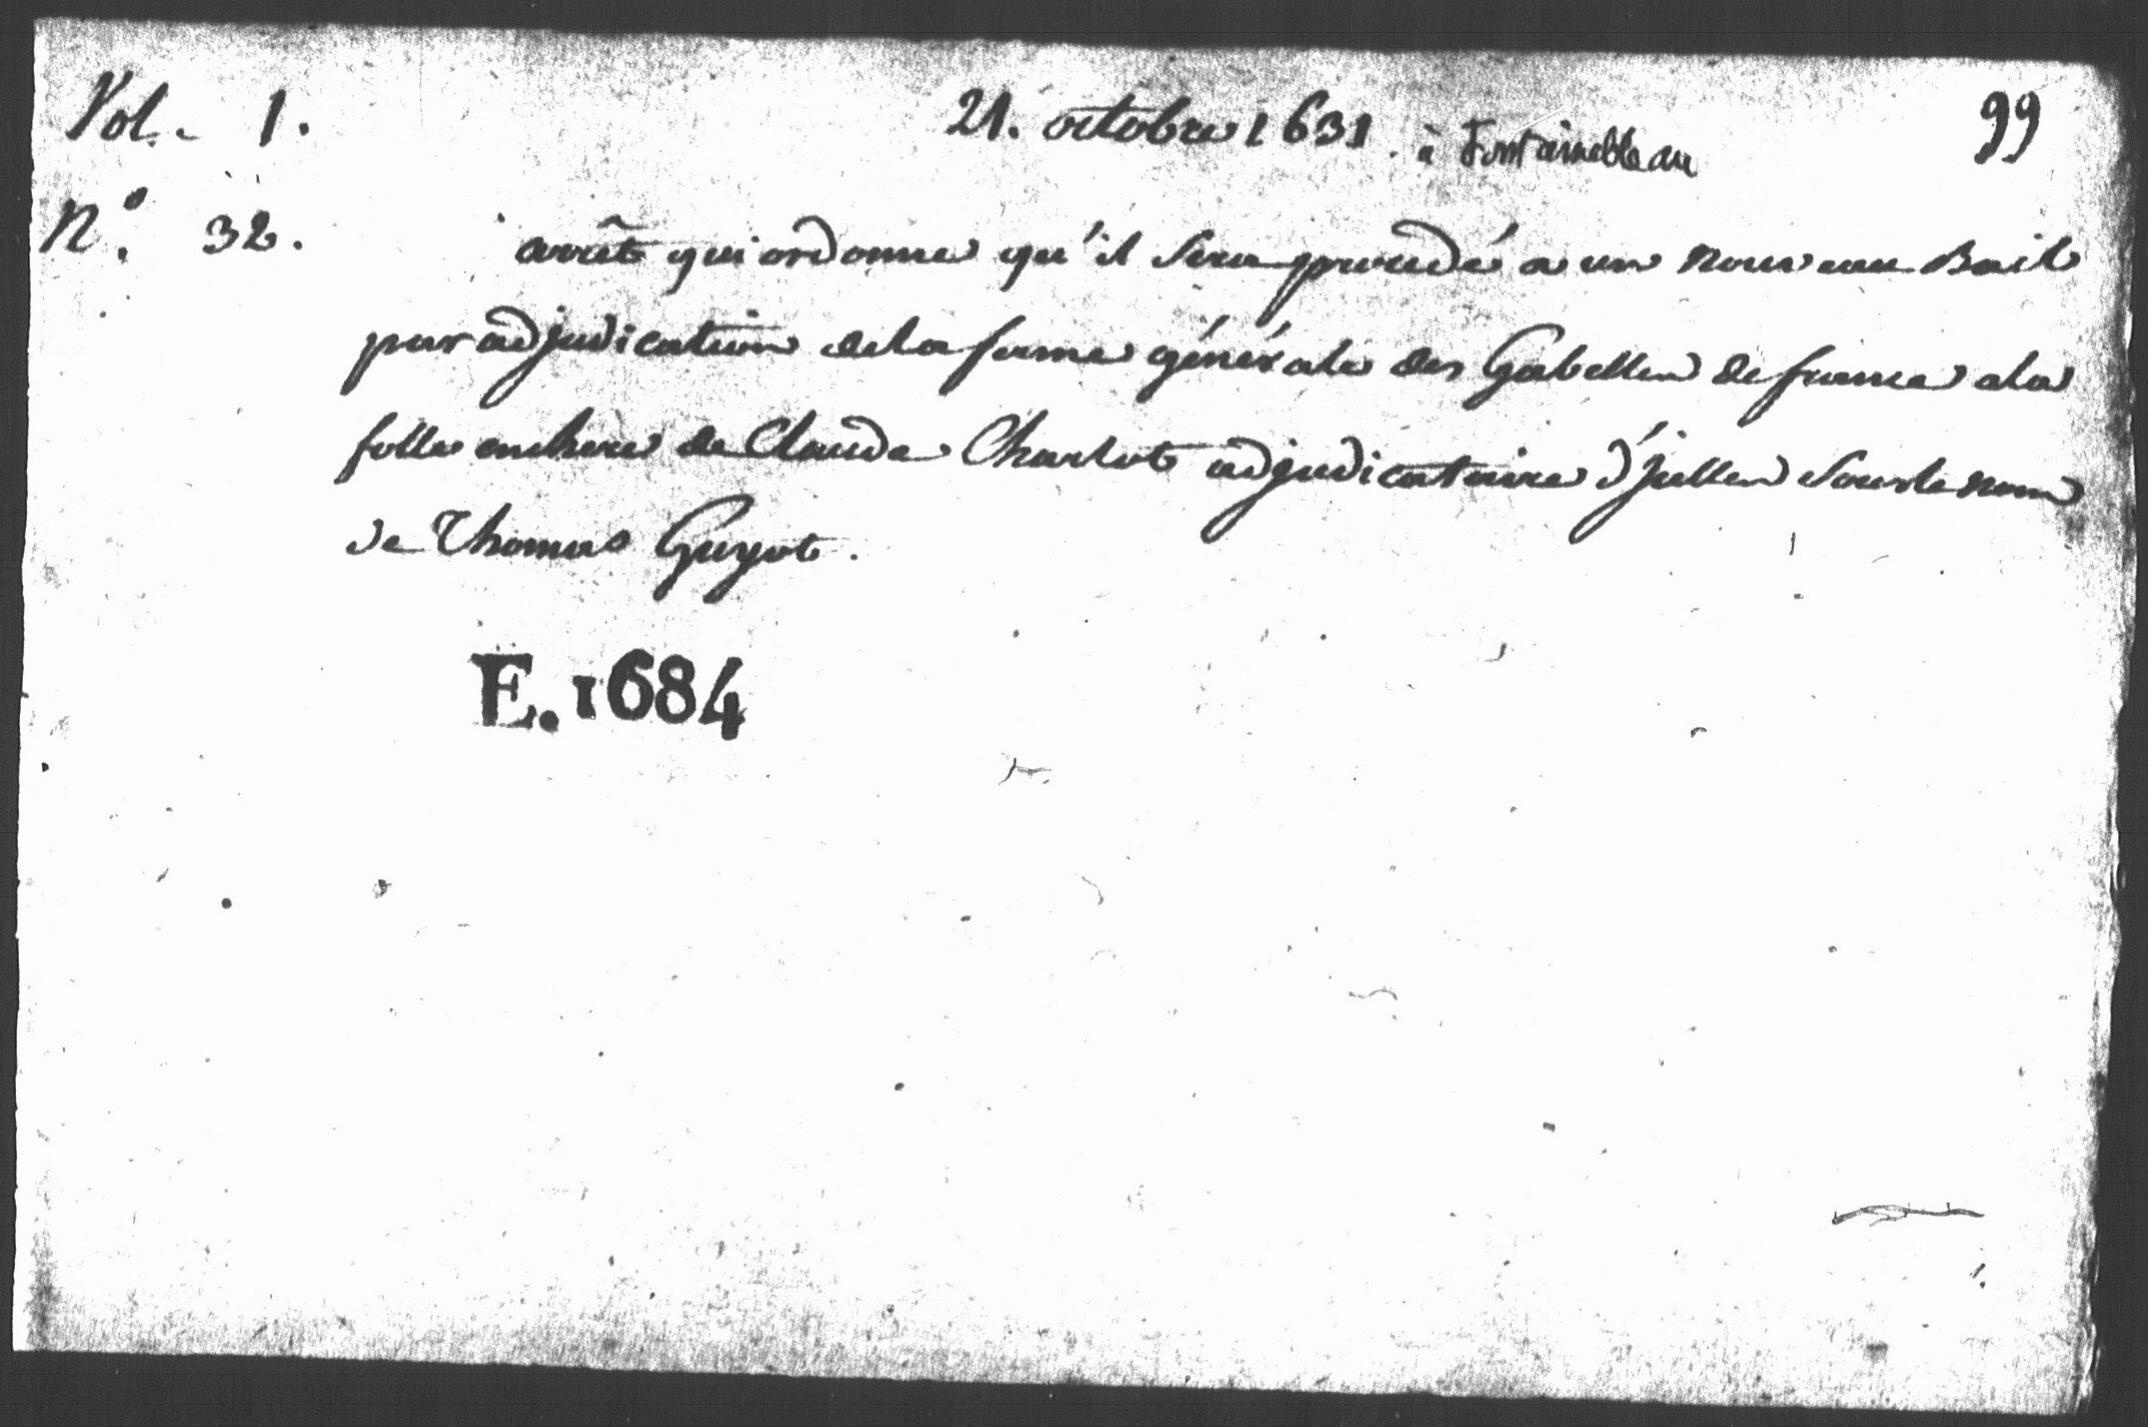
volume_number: n°32
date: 21 octobre 1631
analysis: à Fontainebleau 99
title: arrêt qui ordonne qu'il sera procedé a un nouveau Bail par adjudication de la ferme générale des Gabelles de france a la folle enchere de Claude Charlot adjudicataire d'icelles sous le nom de Thomas Guyot.
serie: E
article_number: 1684
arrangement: vol. 1
